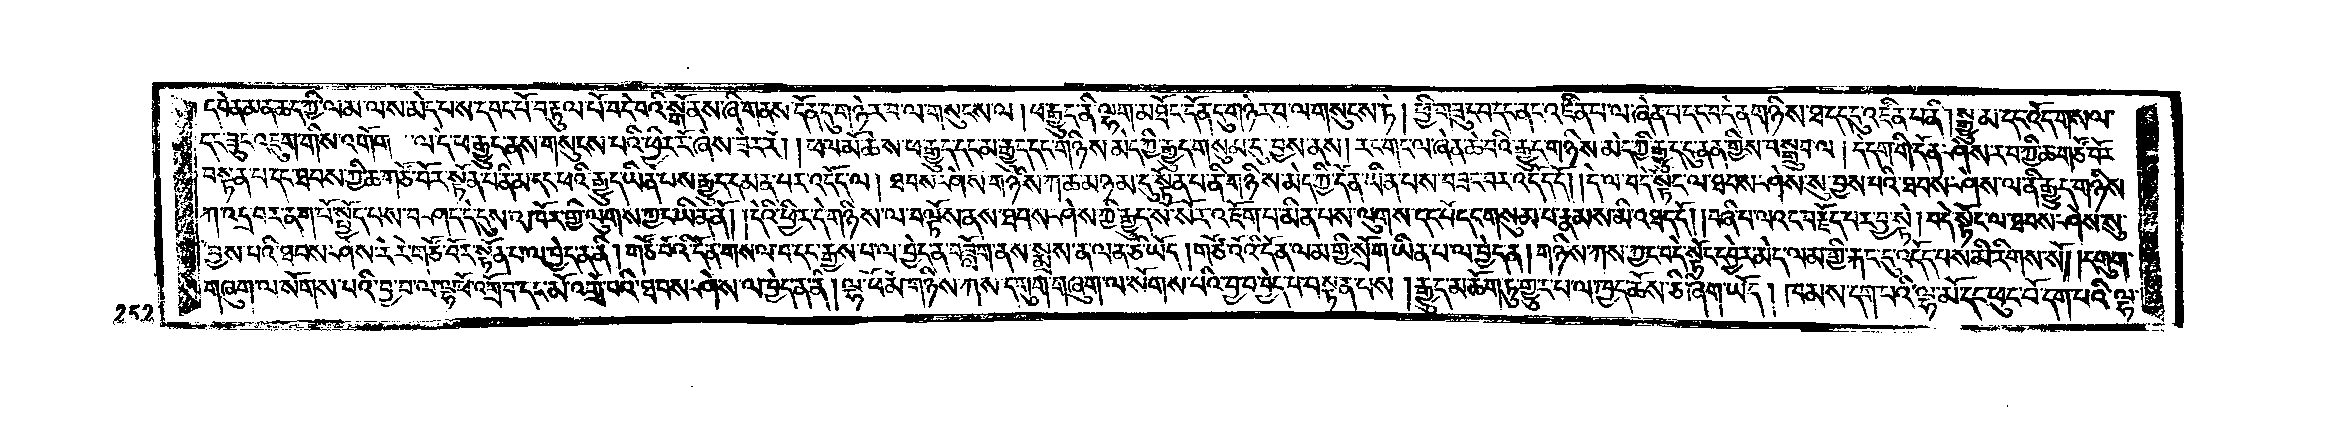དབེན་མན་ཆད་ཀྱི་ལམ་ལས་མེད་པས་དབང་པོ་བརྟུལ་པོ་བདེ་བའི་སྒོ་ནས་ཞི་གནས་དོན་དུ་གཉེར་བ་ལ་གསུངས་ལ། ཕ་རྒྱུད་ནི་ལྷག་མཐོང་དོན་དུ་གཉེར་བ་ལ་གསུངས་ཏེ། ཕྱི་གཟུང་བ་དང་ནང་འཛིན་པ་ལ་ཞེན་པ་དང་བདེན་གཉིས་ཐ་དད་དུ་འཛིན་པ་ནི། སྒྱུ་མ་དང་འོད་གསལ་
དང་ཟུང་འཇུག་གིས་འགོག་ལ་དེ་ཕ་རྒྱུད་ནས་གསུངས་པའི་ཕྱིར་རོ་ཞེས་ཟེར་རོ། །ཕལ་མོ་ཆེས་ཕ་རྒྱུད་དང་མ་རྒྱུད་དང་གཉིས་མེད་ཀྱི་རྒྱུད་གསུམ་དུ་བྱས་ནས། རང་གང་ལ་ཞེན་ཆེ་བའི་རྒྱུད་གཉིས་མེད་ཀྱི་རྒྱུད་དུ་ནན་གྱིས་བསྒྲུབ་ལ། དེ་དག་གི་དོན་ཤེས་རབ་ཀྱི་ཆ་གཙོ་བོར་
བསྟན་པ་དང་ཐབས་ཀྱི་ཆ་གཙོ་བོར་སྟོན་པ་ནི་མ་དང་ཕའི་རྒྱུད་ཡིན་པས་རྒྱུད་དམན་པར་འདོད་ལ། ཐབས་ཤེས་གཉིས་ཀ་ཆ་མཉམ་དུ་སྟོན་པ་ནི་གཉིས་མེད་ཀྱི་དོན་ཡིན་པས་བཟང་བར་འདོད་དོ། །དེ་ལ་བདེ་སྟོང་ལ་ཐབས་ཤེས་སུ་བྱས་པའི་ཐབས་ཤེས་ལ་ནི་རྒྱུད་གཉིས་
ཀ་འདྲ་བར་ནག་པོ་སྤྱོད་པས་བཤད་དེ་དུས་འཁོར་གྱི་ལུགས་ཀྱང་ཡིན་ནོ། །དེའི་ཕྱིར་དེ་གཉིས་ལ་བལྟོས་ནས་ཐབས་ཤེས་ཀྱི་རྒྱུད་སོ་སོར་འཇོག་པ་མིན་པས་ལུགས་དང་པོ་དང་གསུམ་པ་རྣམས་མི་འཐད་དོ། །བཞི་པ་ལའང་བརྗོད་པར་བྱ་སྟེ། བདེ་སྟོང་ལ་ཐབས་ཤེས་སུ་
བྱས་པའི་ཐབས་ཤེས་རེ་རེ་གཙོ་བོར་སྟོན་པ་ལ་བྱེད་ན་ནི། གཙོ་བོའི་དོན་གསལ་བ་དང་རྒྱས་པ་ལ་བྱེད་ན་བཟློག་ནས་སྨྲས་ན་ལན་ཅི་ཡོད། གཙོ་འོའི་དོན་ལམ་གྱི་སྲོག་ཡིན་པ་ལ་བྱེད་ན། གཉིས་ཀས་ཀྱང་བདེ་སྟོང་དབྱེར་མེད་ལམ་གྱི་རྐང་དུ་འདོད་པས་མི་རིགས་སོ། །དགུག་
གཞུག་ལ་སོགས་པའི་བྱ་བ་ལ་ལྷ་ཕོ་འགྲོ་བ་དང་མོ་འགྲོ་བའི་ཐབས་ཤེས་ལ་བྱེད་ན་ནི། ལྷ་ཕོ་མོ་གཉིས་ཀས་དགུག་གཞུག་ལ་སོགས་པའི་བྱ་བ་བྱེད་པ་བསྟན་པས། རྒྱུད་མཆོག་ཏུ་གྱུར་པ་ལ་ཁྱད་ཆོས་ཅི་ཞིག་ཡོད། ཁམས་དག་པའི་ལྷ་མོ་དང་ཕུང་པོ་དག་པའི་ལྷ་